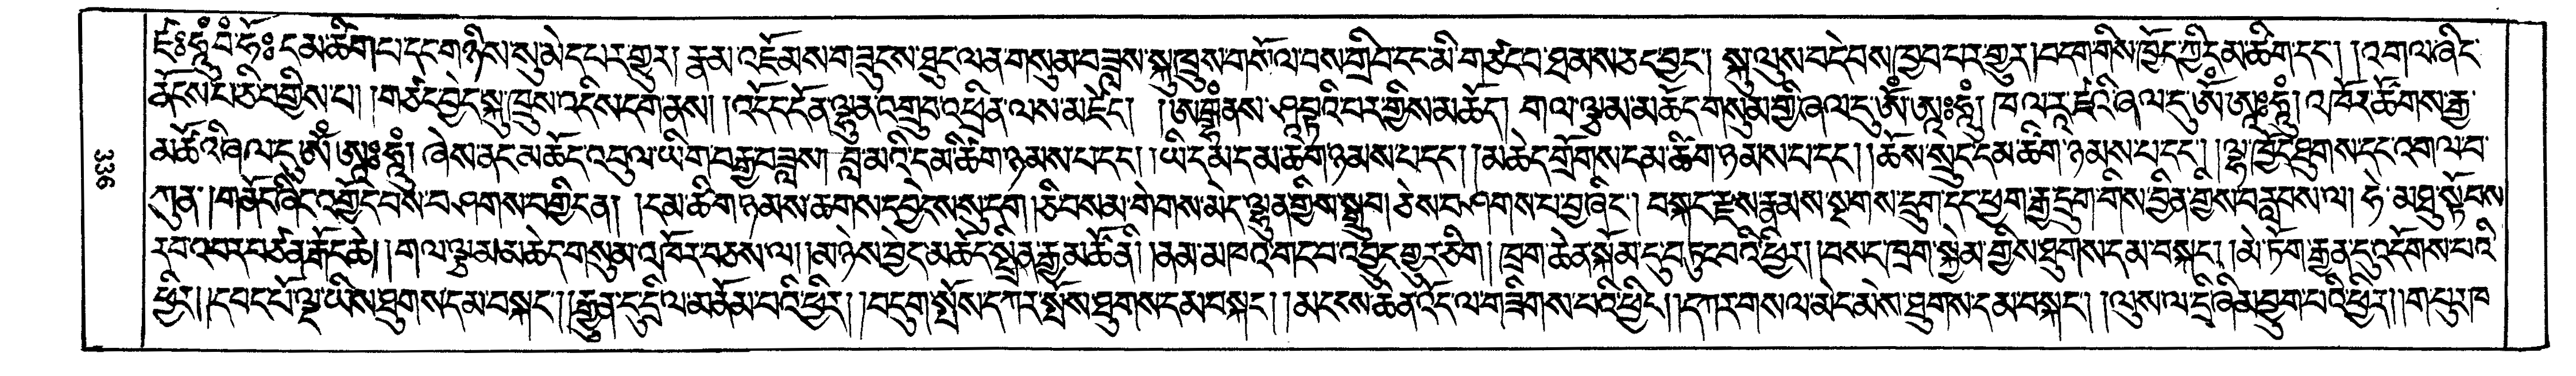ཛཿཧཱུཾ་བཾ་ཧོཿ དམ་ཚིག་པ་དང་གཉིས་སུ་མེད་པར་གྱུར། རྣམ་འཇོམས་གཟུངས་ཐུང་ལན་གསུམ་བཟླས་སྐུ་ཁྲུས་གསོལ་བས་གྲིབ་དང་མི་གཙང་བ་ཐམས་ཅད་བྱང་། སྐུ་ལུས་བདེ་བས་ཁྱབ་པར་གྱུར། བདག་གིས་ཁྱོད་ཀྱི་བ་དམ་ཚིག་དང་། །འགལ་ཞིང་
ནོངས་པ་ཅི་བགྱིས་པ། །གཙང་བྱེད་སྐུ་ཁྲུས་འདིས་དག་ནས། །འདོད་དོན་ལྷུན་འགྲུབ་འཕྲིན་ལས་མཛོད། །ཨརྒྷཾ་ནས་ཤཔྟའི་བར་གྱིས་མཆོད། གལ་ལྕམ་མཆེད་གསུམ་གྱི་ཞལ་དུ་ཨོཾ་ཨཱཿཧཱུཾ། ཁ་ལ་རཱ་ཛའི་ཞལ་དུ་ཨོཾ་ཨཱཿཧཱུཾ། འཁོར་ཚོགས་རྒྱ་
མཚོའི་ཞལ་དུ་ཨོཾ་ཨཱཿཧཱུཾ། ཞེས་ནང་མཆོད་འབུལ་ཡིག་བརྒྱ་བཟླས། བླ་མའི་དམ་ཚིག་ཉམས་པ་དང་། །ཡི་དམ་དམ་ཚིག་ཉམས་པ་དང་། །མཆེད་གྲོགས་དམ་ཚིག་ཉམས་པ་དང་། །ཆོས་སྲུང་དམ་ཚིག་ཉམས་པ་དང་། །ལྷ་ཁྱོད་ཐུགས་དང་འགལ་བ་
ཀུན༑ ༑གནོད་ཞིང་འགྱོད་པས་བཤགས་བགྱིད་ན། །དམ་ཚིག་ཉམས་ཆགས་དབྱིངས་སུ་དག །ཅི་བསམ་གེགས་མེད་ལྷུན་གྱིས་སྒྲུབ། ཅེས་བཤགས་པ་བྱ་ཞིང་། བསྐང་རྫས་རྣམས་སྔགས་དྲུག་དང་ཕྱག་རྒྱ་དྲུག་གིས་བྱིན་གྱིས་བརླབས་ལ། ཧེ་མཐུ་སྟོབས་
རབ་འབར་བཙན་རྒོད་ཆེ། །གལ་ལྕམ་མཆེད་གསུམ་འཁོར་བཅས་ལ། །མཉེས་བྱེད་མཆོད་སྤྲིན་རྒྱ་མཚོ་ནི། །ནམ་མཁའ་གང་བ་འབྱུང་གྱུར་ཅིག །ཁྲག་ཆེན་སྐོམ་དུ་བཏུང་བའི་ཕྱིར། །བསད་ཁྲག་སྐྱེམ་གྱིས་ཐུགས་དམ་བསྐང་། །མེ་ཏོག་རྒྱན་དུ་འདོགས་པའི་
ཕྱིར༑ ༑དབང་པོ་ལྔ་ཡིས་ཐུགས་དམ་བསྐང་། །རྒྱུན་དུ་དྲི་ལ་མནོམ་པའི་ཕྱིར། །བདུག་སྤོས་དཀར་སྤོས་ཐུགས་དམ་བསྐང་། མདངས་ཆེན་འོད་ལ་གཟིགས་པའི་ཕྱིར། །དཀར་གསལ་མར་མེས་ཐུགས་དམ་བསྐང་། །ལུས་ལ་དྲི་ཞིམ་བྱུག་པའི་ཕྱིར། །ག་བུར་ཁ་